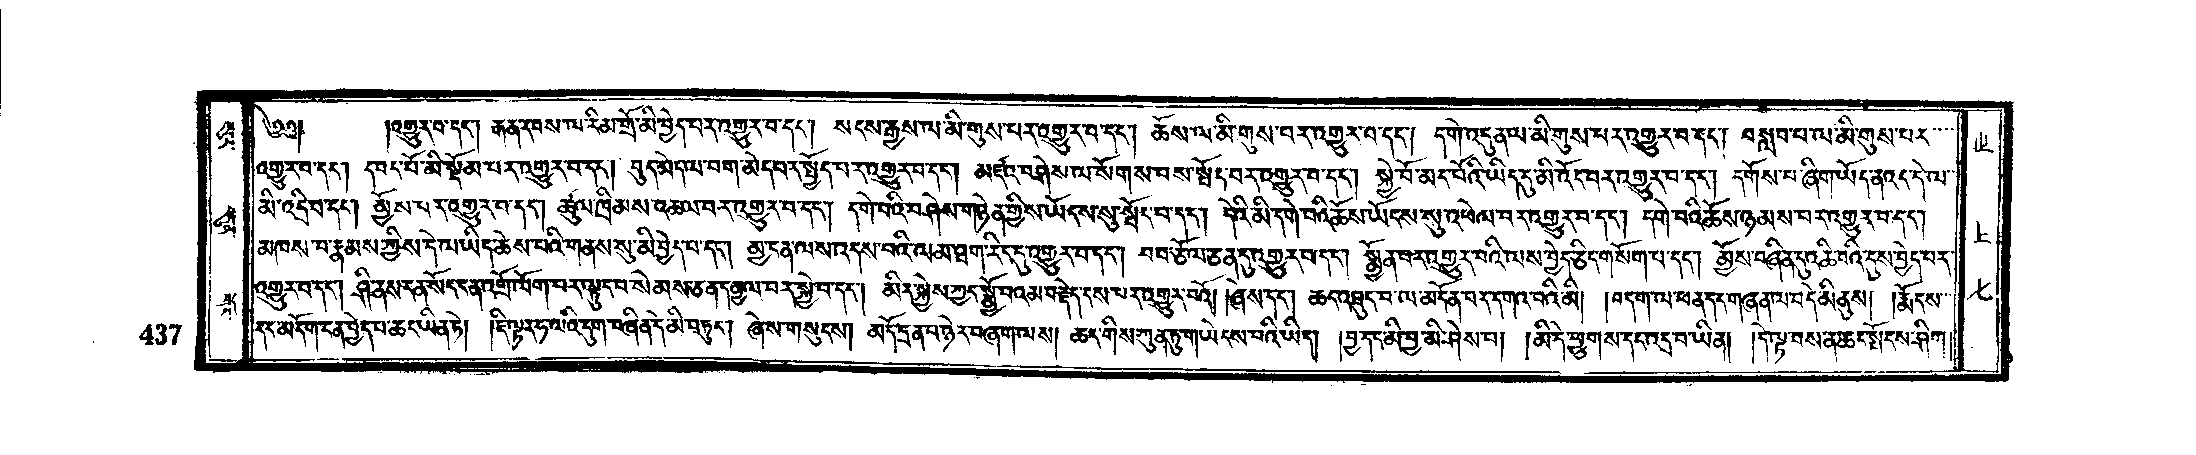༄༅། །འགྱུར་བ་དང་། རྒན་རབས་ལ་རིམ་གྲོ་མི་བྱེད་པར་འགྱུར་བ་དང་། སངས་རྒྱས་ལ་མི་གུས་པར་འགྱུར་བ་དང་། ཆོས་ལ་མི་གུས་པར་འགྱུར་བ་དང་། དགེ་འདུན་ལ་མི་གུས་པར་འགྱུར་བ་དང་། བསླབ་པ་ལ་མི་གུས་པར་
འགྱུར་བ་དང་། དབང་པོ་མི་སྡོམ་པར་འགྱུར་བ་དང་། བུད་མེད་ལ་བག་མེད་པར་སྤྱོད་པར་འགྱུར་བ་དང་། མཛའ་བཤེས་ལ་སོགས་པས་སྤོང་བར་འགྱུར་བ་དང་། སྐྱེ་བོ་མང་པོའི་ཡིད་དུ་མི་འོང་བར་འགྱུར་བ་དང་། དགོས་པ་ཞིག་ཡོད་ནའང་དེ་ལ་
མི་འདྲི་བ་དང་། མྱོས་པར་འགྱུར་བ་དང་། ཚུལ་ཁྲིམས་འཆལ?་བར་འགྱུར་བ་དང་། དགེ་བའི་བཤེས་གཉེན་གྱིས་ཡོངས་སུ་སྤོང་བ་དང་། དེའི་མི་དགེ་བའི་ཆོས་ཡོངས་སུ་འཕེལ་བར་འགྱུར་བ་དང་། དགེ་བའི་ཆོས་ཉམས་པར་འགྱུར་བ་དང་།
མཁས་པ་རྣམས་ཀྱིས་དེ་ལ་ཡིད་ཆེས་པའི་གནས་སུ་མི་བྱེད་པ་དང་། མྱ་ངན་ལས་འདས་པའི་ལམ་ཐག་རིང་དུ་འགྱུར་བ་དང་། བབ་ཅོལ་ཅན་དུ་འགྱུར་བ་དང་། སྨྱོན་པར་འགྱུར་བའི་ལས་བྱེད་ཅིང་གསོག་པ་དང་། མྱོས་བཞིན་དུ་འཆི་བའི་དུས་བྱེད་པར་
འགྱུར་བ་དང་། ཤི་ནས་ངན་སོང་ངན་འགྲོ་ལོག་པར་ལྟུང་བ་སེམས་ཅན་དམྱལ་བར་སྐྱེ་བ་དང་། མིར་སྐྱེས་ཀྱང་སྨྱོ་བའམ་བརྗེད་ངེས?་པར་འགྱུར་བའོ། །ཞེས་དང་། ཆང་འཐུང་བ་ལ་མངོན་པར་དགའ་བའི་མི། །བདག་ལ་ཕན་དང་གཞན་ལ་བདེ་མི་ནུས། །རྨོངས་
དང་མདོག་ངན་བྱེད་པ་ཆང་ཡིན་ཏེ། །ཇི་ལྟར་ཧ་ལའི་དུག་བཞིན་དེ་མི་བཏུང་། ཞེས་གསུངས། མདོ་དྲན་པ་ཉེར་བཞག་ལས། ཆང་གིས་ཀུན་ཏུ་གཡེངས་པའི་ཡིད། །བྱ་དང་མི་བྱ་མི་ཤེས་པ། །མི་དེ་ཕྱུགས་དང་འདྲ་བ་ཡིན། །དེ་ལྟ་བས་ན་ཆང་སྤོངས་ཤིག །